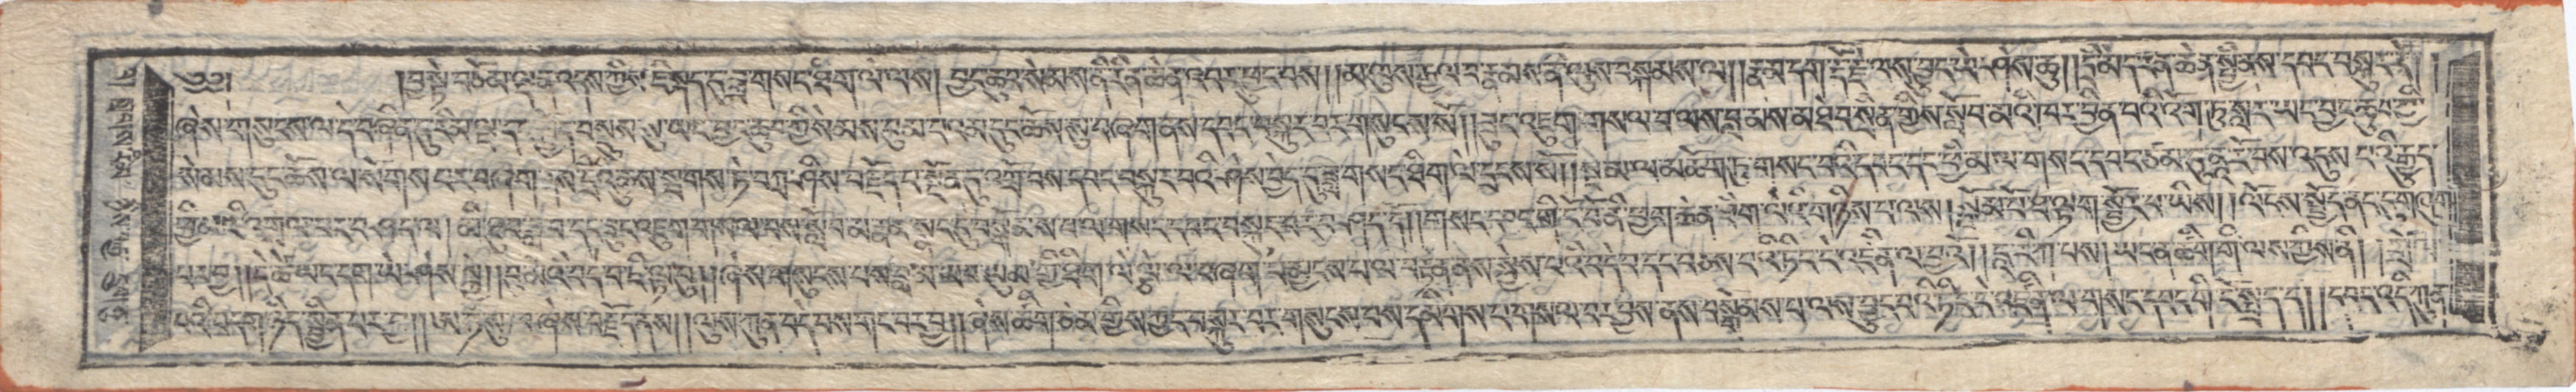༄༅། །བྱ་སྟེ་བཅོམ་ལྡན་འདས་ཀྱིས་ཇི་སྐད་དུ་ཟླ་གསང་ཐིག་ལེ་ལས། བྱང་ཆུབ་སེམས་ནི་རིན་ཆེན་འབར་ཕྱུང་བས། །མ་ལུས་རྒྱལ་བ་རྣམས་ནི་ལུས་བསྐམས་ལ། །རྣམ་དག་རྡོ་རྗེ་ལས་བྱུང་ཡེ་ཤེས་ཆུ། །དྲི་མེད་རིན་ཆེན་སྤྱི་ནས་དབང་བསྐུར་རོ།།
ཞེས་གསུངས་ལ་དེ་བཞིན་དུ་རིམ་ལྔ་དང་སྤྱོད་བསྡུས་སུ་ཡང་བྱང་ཆུབ་ཀྱི་སེམས་བུམ་པའམ་དུང་ཆོས་སུ་བཞག་ནས་དབང་བསྐུར་བར་གསུངས་སོ། །ཟུང་འཇུག་གསལ་བ་ལས་བླ་མས་མཐེབ་སྲིན་གྱིས་སློབ་མའི་ཁར་བྱིན་པའི་འོག་ཏུ་སླར་ཡང་བྱང་ཆུབ་ཀྱི་
སེམས་དུང་ཆོས་ལ་སོགས་པར་བཞག་ནས་དྲིའི་ཆུས་སྤགས་ཏེ་བཀྲ་ཤིས་བརྗོད་པ་སྔོན་དུ་འགྲོ་བས་དབང་བསྐུར་བའི་ཤེས་བྱེད་དུ་ཟླ་གསང་ཐིག་ལེ་དྲངས་སོ། །སྔ་མ་ལ་མཆོག་ཏུ་གསང་བའི་དབང་དང་ཕྱི་མ་ལ་གསང་དབང་ཙམ་དུ་ནཱ་རོ་བས་འདུས་པའི་རྒྱུད་
ཕྱི་མའི་འགྲེལ་པར་བཤད་ལ། མི་ཐུབ་ཟླ་བ་དང་ཟུང་འཇུག་གསལ་བས་སློབ་མ་རྣམ་སྣང་དུ་བསྒོམས་པ་ལ་གསང་དབང་བསྐུར་བར་བཤད་དོ། །གསང་དབང་གི་ངོ་བོ་ནི་ཕྱག་ཆེན་ཐིག་ལེའི་གཉིས་པ་ལས། སྦོམ་པོ་ཐ་ལྟར་སྦྱོར་པ་ཡིས། །ལོངས་སྤྱོད་ནང་དུ་གཞུག་
པར་བྱ། །དེ་ཚེ་ཡང་དག་ཡེ་ཤེས་སྐྱེ། །བུ་མོའི་བདེ་བ་ཇི་ལྟ་བུ། །ཞེས་གསུངས་པས་བླ་མ་ཡབ་ཡུམ་གྱི་ཐིག་ལེ་ལྕེ་ལ་བཞག་པ་མྱངས་པ་ལ་བརྟེན་ནས་སྐྱེས་པའི་བདེ་བ་དང་བཅས་པའི་ཏིང་ངེ་འཛིན་ལ་བྱའོ། །དཱ་རི་ཀ་པས། ཡང་ན་ཚིག་གི་ལས་ཀྱིས་ནི། །གྲོལ་
བའི་བདག་ཉིད་སྦྱིན་པར་བྱ། །ཨ་ཧོ་སུ་ཁ་ཞེས་བརྗོད་ནས། །ལུས་ཀུན་བདེ་བས་གང་བར་བྱ། །ཞེས་ཚིག་ཙམ་གྱིས་ཀྱང་བསྐུར་བར་གསུངས་བས་དམིགས་པ་གསལ་བར་བྱས་ནས་བསྒོམས་པ་ལས་བྱུང་བའི་ཏིང་ངེ་འཛིན་ལ་གསང་དབང་གི་ངོ་སྤྲད་དོ། །དབང་འདི་ཀུན་